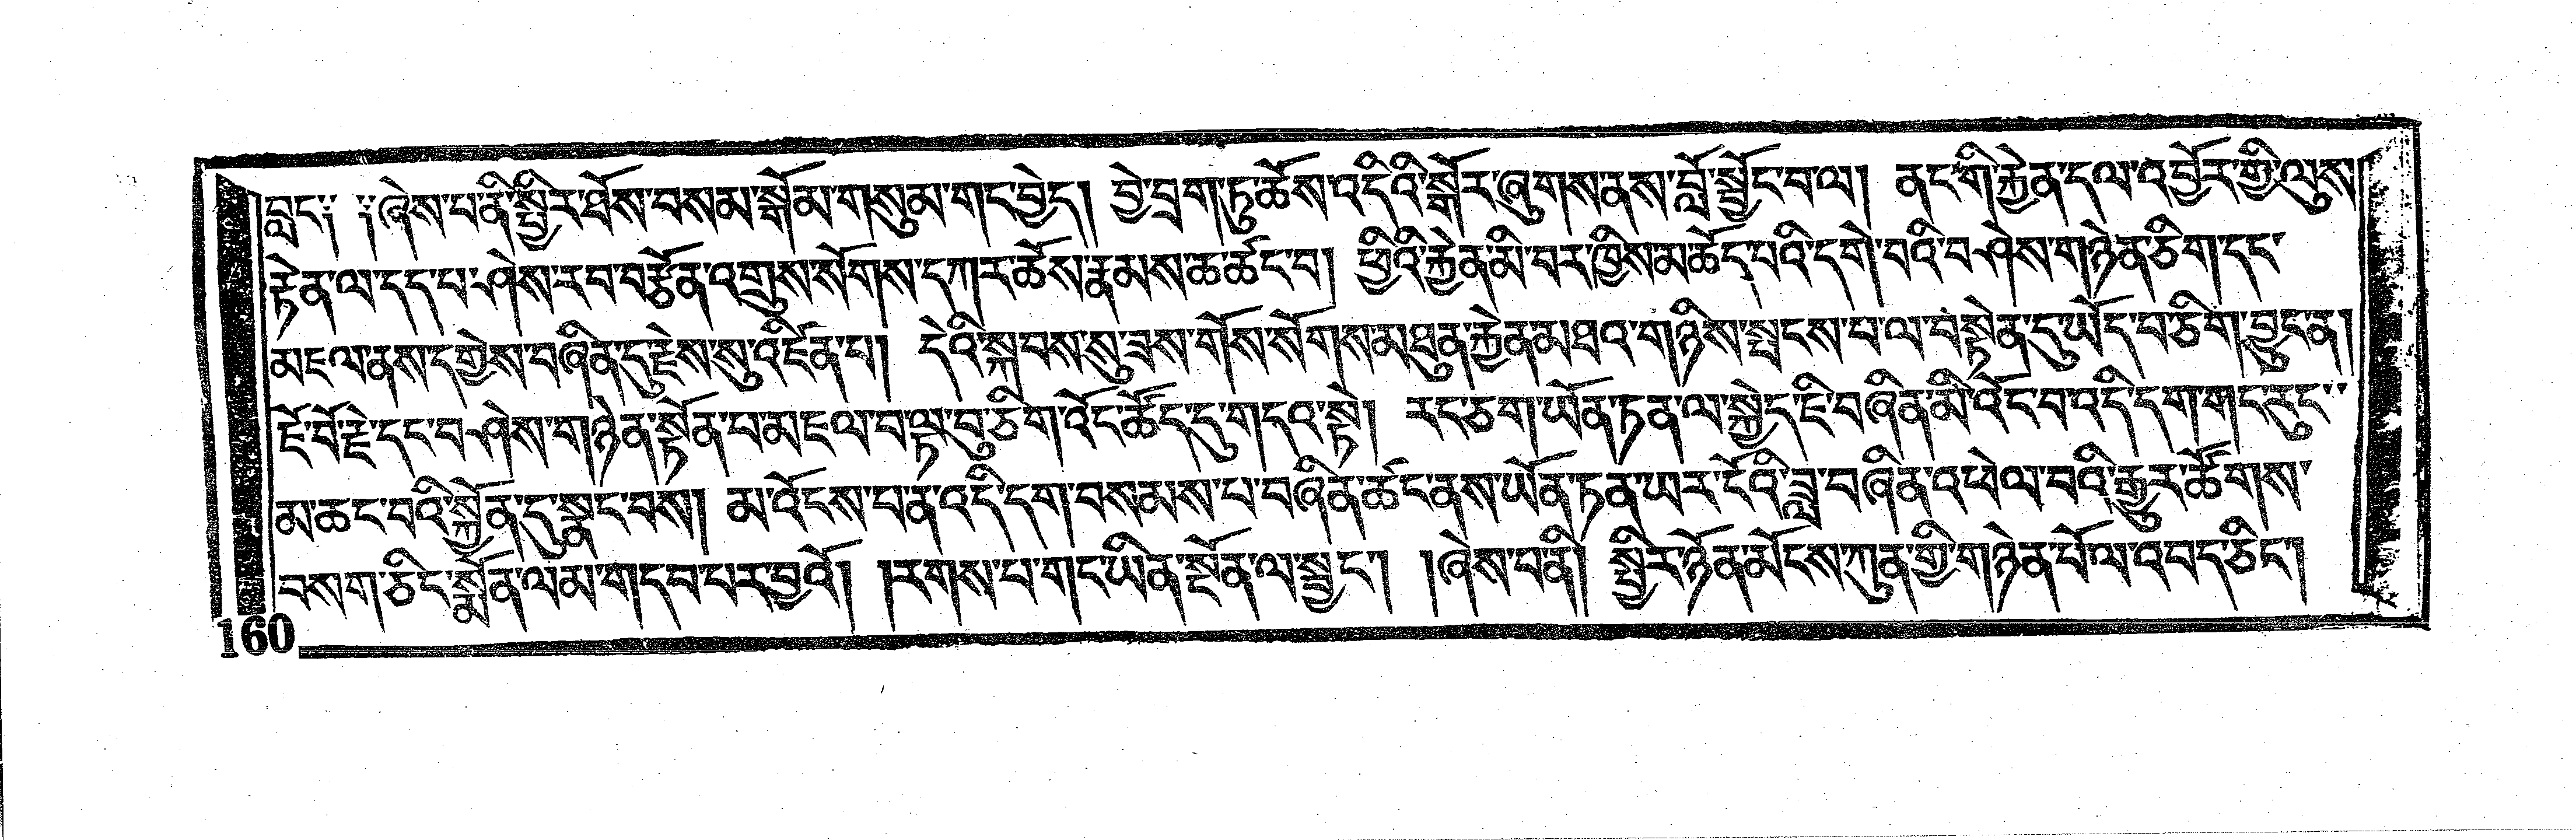བླང༑ ༑ཞེས་པ་ནི་སྤྱིར་ཐོས་བསམ་སྒོམ་གསུམ་གང་བྱེད། བྱེ་བྲག་ཏུ་ཆོས་འདིའི་སྒོར་ཞུགས་ནས་བློ་སྦྱོང་བ་ལ། ནང་གི་རྐྱེན་དལ་འབྱོར་གྱི་ལུས་
རྟེན་ལ་དད་པ་ཤེས་རབ་བརྩོན་འགྲུས་སོགས་དཀར་ཆོས་རྣམས་ཆ་ཚང་བ། ཕྱིའི་རྐྱེན་མི་བར་ཁྱིས་མཆོད་པའི་དགེ་བའི་བཤེས་གཉེན་ཅིག་དང་
མཇལ་ནས་དགྱེས་བཞིན་དུ་རྗེས་སུ་འཛིན་པ། དེའི་སྐབས་སུ་ཟས་གོས་སོགས་མཐུན་རྐྱེན་མཐའ་གཉིས་སྤངས་པ་ལ་བསྟེན་དུ་ཡོད་པ་ཅིག་བྱུང་ན།
ཇོ་བོ་རྗེ་དང་བཤེས་གཉེན་སྟོན་པ་མཇལ་བ་ལྟ་བུ་ཅིག་འོང་ཚོད་དུ་གདའ་སྟེ། རང་ཅག་ཡོན་ཏན་ལ་སྐྱེད་ཇི་བཞིན་མི་འོང་བ་འདི་དག་གང་རུང་
མ་ཆང་བའི་སྐྱོན་དུ་སྣང་བས། མ་འོངས་པ་ན་འདི་དག་བསམས་པ་བཞིན་ཚང་ནས་ཡོན་ཏན་ཡར་ངོའི་ཟླ་བཞིན་འཕེལ་བའི་རྒྱུར་ཚོགས་
བསག་ཅིང་སྨོན་ལམ་གདབ་པར་བྱའོ། །རགས་པ་གང་ཡིན་སྔོན་ལ་སྦྱང་། །ཞེས་པ་ནི། སྤྱིར་ཉོན་མོངས་ཀུན་གྱི་གཉེན་པོ་ལ་འབད་ཅིང་།